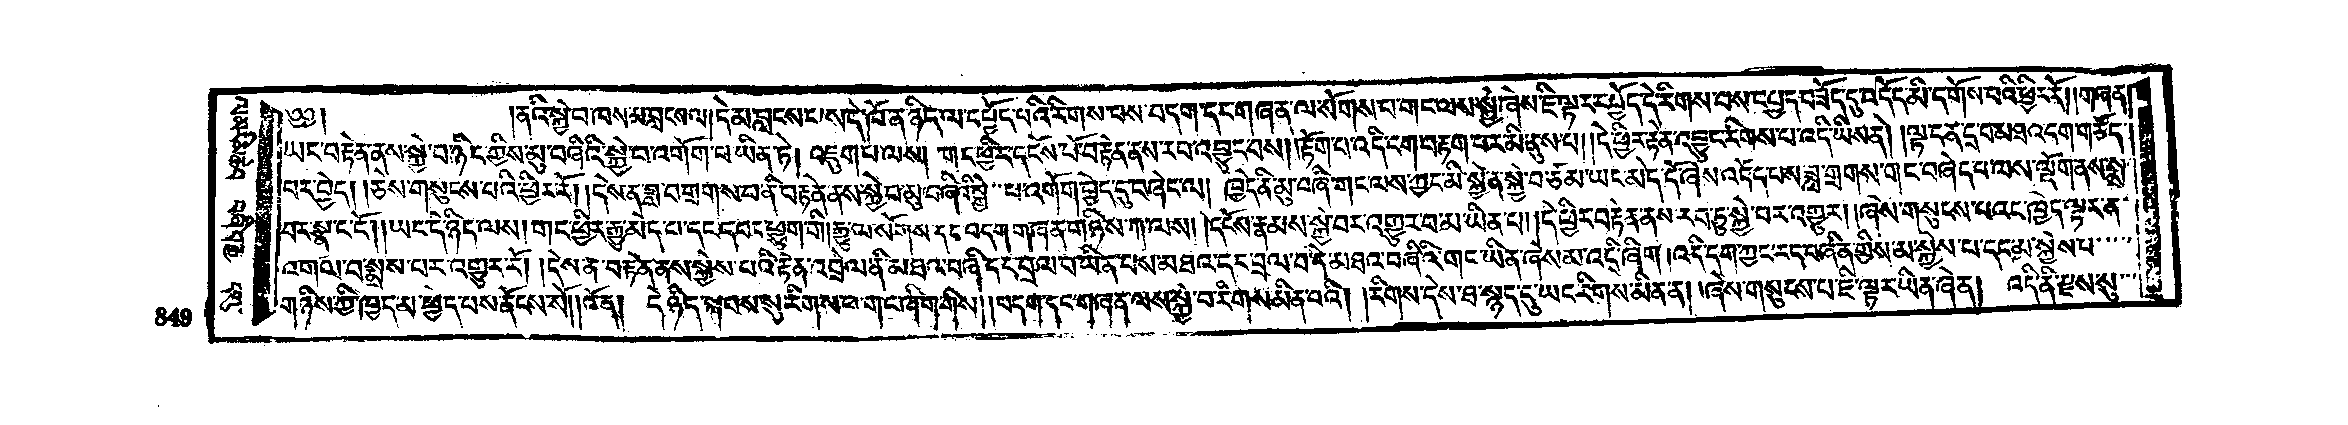༄༅། །ནའི་སྐྱེ་བ་ཁས་མ་བླངས་ལ། དེ་མ་བླངས་པས་དེ་ཁོ་ན་ཉིད་ལ་དཔྱོད་པའི་རིགས་པས་བདག་དང་གཞན་ལ་སོགས་པ་གང་ལས་སྐྱེ་ཞེས་ཇི་ལྟར་དཔྱོད་དེ་རིགས་པས་དཔྱད་བཟོད་དུ་འདོད་མི་དགོས་པའི་ཕྱིར་རོ། །གཞན་
ཡང་བརྟེན་ནས་སྐྱེ་བ་ཉིད་ཀྱིས་མུ་བཞིའི་སྐྱེ་བ་འགོག་པ་ཡིན་ཏེ། འཇུག་པ་ལས། གང་ཕྱིར་དངོས་པོ་བརྟེན་ནས་རབ་འབྱུང་བས། །རྟོག་པ་འདི་དག་བརྟག་པར་མི་ནུས་པ། །དེ་ཕྱིར་རྟེན་འབྱུང་རིགས་པ་འདི་ཡིས་ནི། །ལྟ་ངན་དྲ་བ་མཐའ་དག་གཅོད་
པར་བྱེད། །ཅེས་གསུངས་པའི་ཕྱིར་རོ། །དེས་ན་ཟླ་བ་གྲགས་པ་ནི་བརྟེན་ནས་སྐྱེ་བ་མུ་བཞིའི་སྐྱེ་བ་འགོག་བྱེད་དུ་བཞེད་ལ། ཁྱེད་ནི་མུ་བཞི་གང་ལས་ཀྱང་མི་སྐྱེ་ན་སྐྱེ་བ་ཙམ་ཡང་མེད་དོ་ཞེས་འདོད་པས་ཟླ་གྲགས་གང་བཞེད་པ་ལས་ལྡོག་ནས་སྨྲ་
བར་སྣང་ངོ། །ཡང་དེ་ཉིད་ལས། གང་ཕྱིར་རྒྱུ་མེད་པ་དང་དབང་ཕྱུག་གི། རྒྱུ་ལ་སོགས་དང་བདག་གཞན་གཉིས་ཀ་ལས། །དངོས་རྣམས་སྐྱེ་བར་འགྱུར་བ་མ་ཡིན་པ། །དེ་ཕྱིར་བརྟེན་ནས་རབ་ཏུ་སྐྱེ་བར་འགྱུར། །ཞེས་གསུངས་པའང་ཁྱེད་ལྟར་ན་
འགལ་བ་སྨྲས་པར་འགྱུར་རོ། །དེས་ན་བརྟེན་ནས་སྐྱེས་པའི་རྟེན་འབྲེལ་ནི་མཐའ་བཞི་དང་བྲལ་བ་ཡིན་པས་མཐའ་དང་བྲལ་བ་དེ་མཐའ་བཞིའི་གང་ཡིན་ཞེས་མ་འདྲི་ཞིག །འདི་དག་ཀྱང་རང་བཞིན་གྱིས་མ་སྐྱེས་པ་དང་མ་སྐྱེས་པ་
གཉིས་ཀྱི་ཁྱད་མ་ཕྱེད་པས་ནོངས་སོ། །འོ་ན། དེ་ཉིད་སྐབས་སུ་རིགས་པ་གང་ཞིག་གིས། །བདག་དང་གཞན་ལས་སྐྱེ་བ་རིགས་མིན་པའི། །རིགས་དེས་ཐ་སྙད་དུ་ཡང་རིགས་མིན་ན། །ཞེས་གསུངས་པ་ཇི་ལྟར་ཡིན་ཞེ་ན། འདི་ནི་རྫས་སུ་